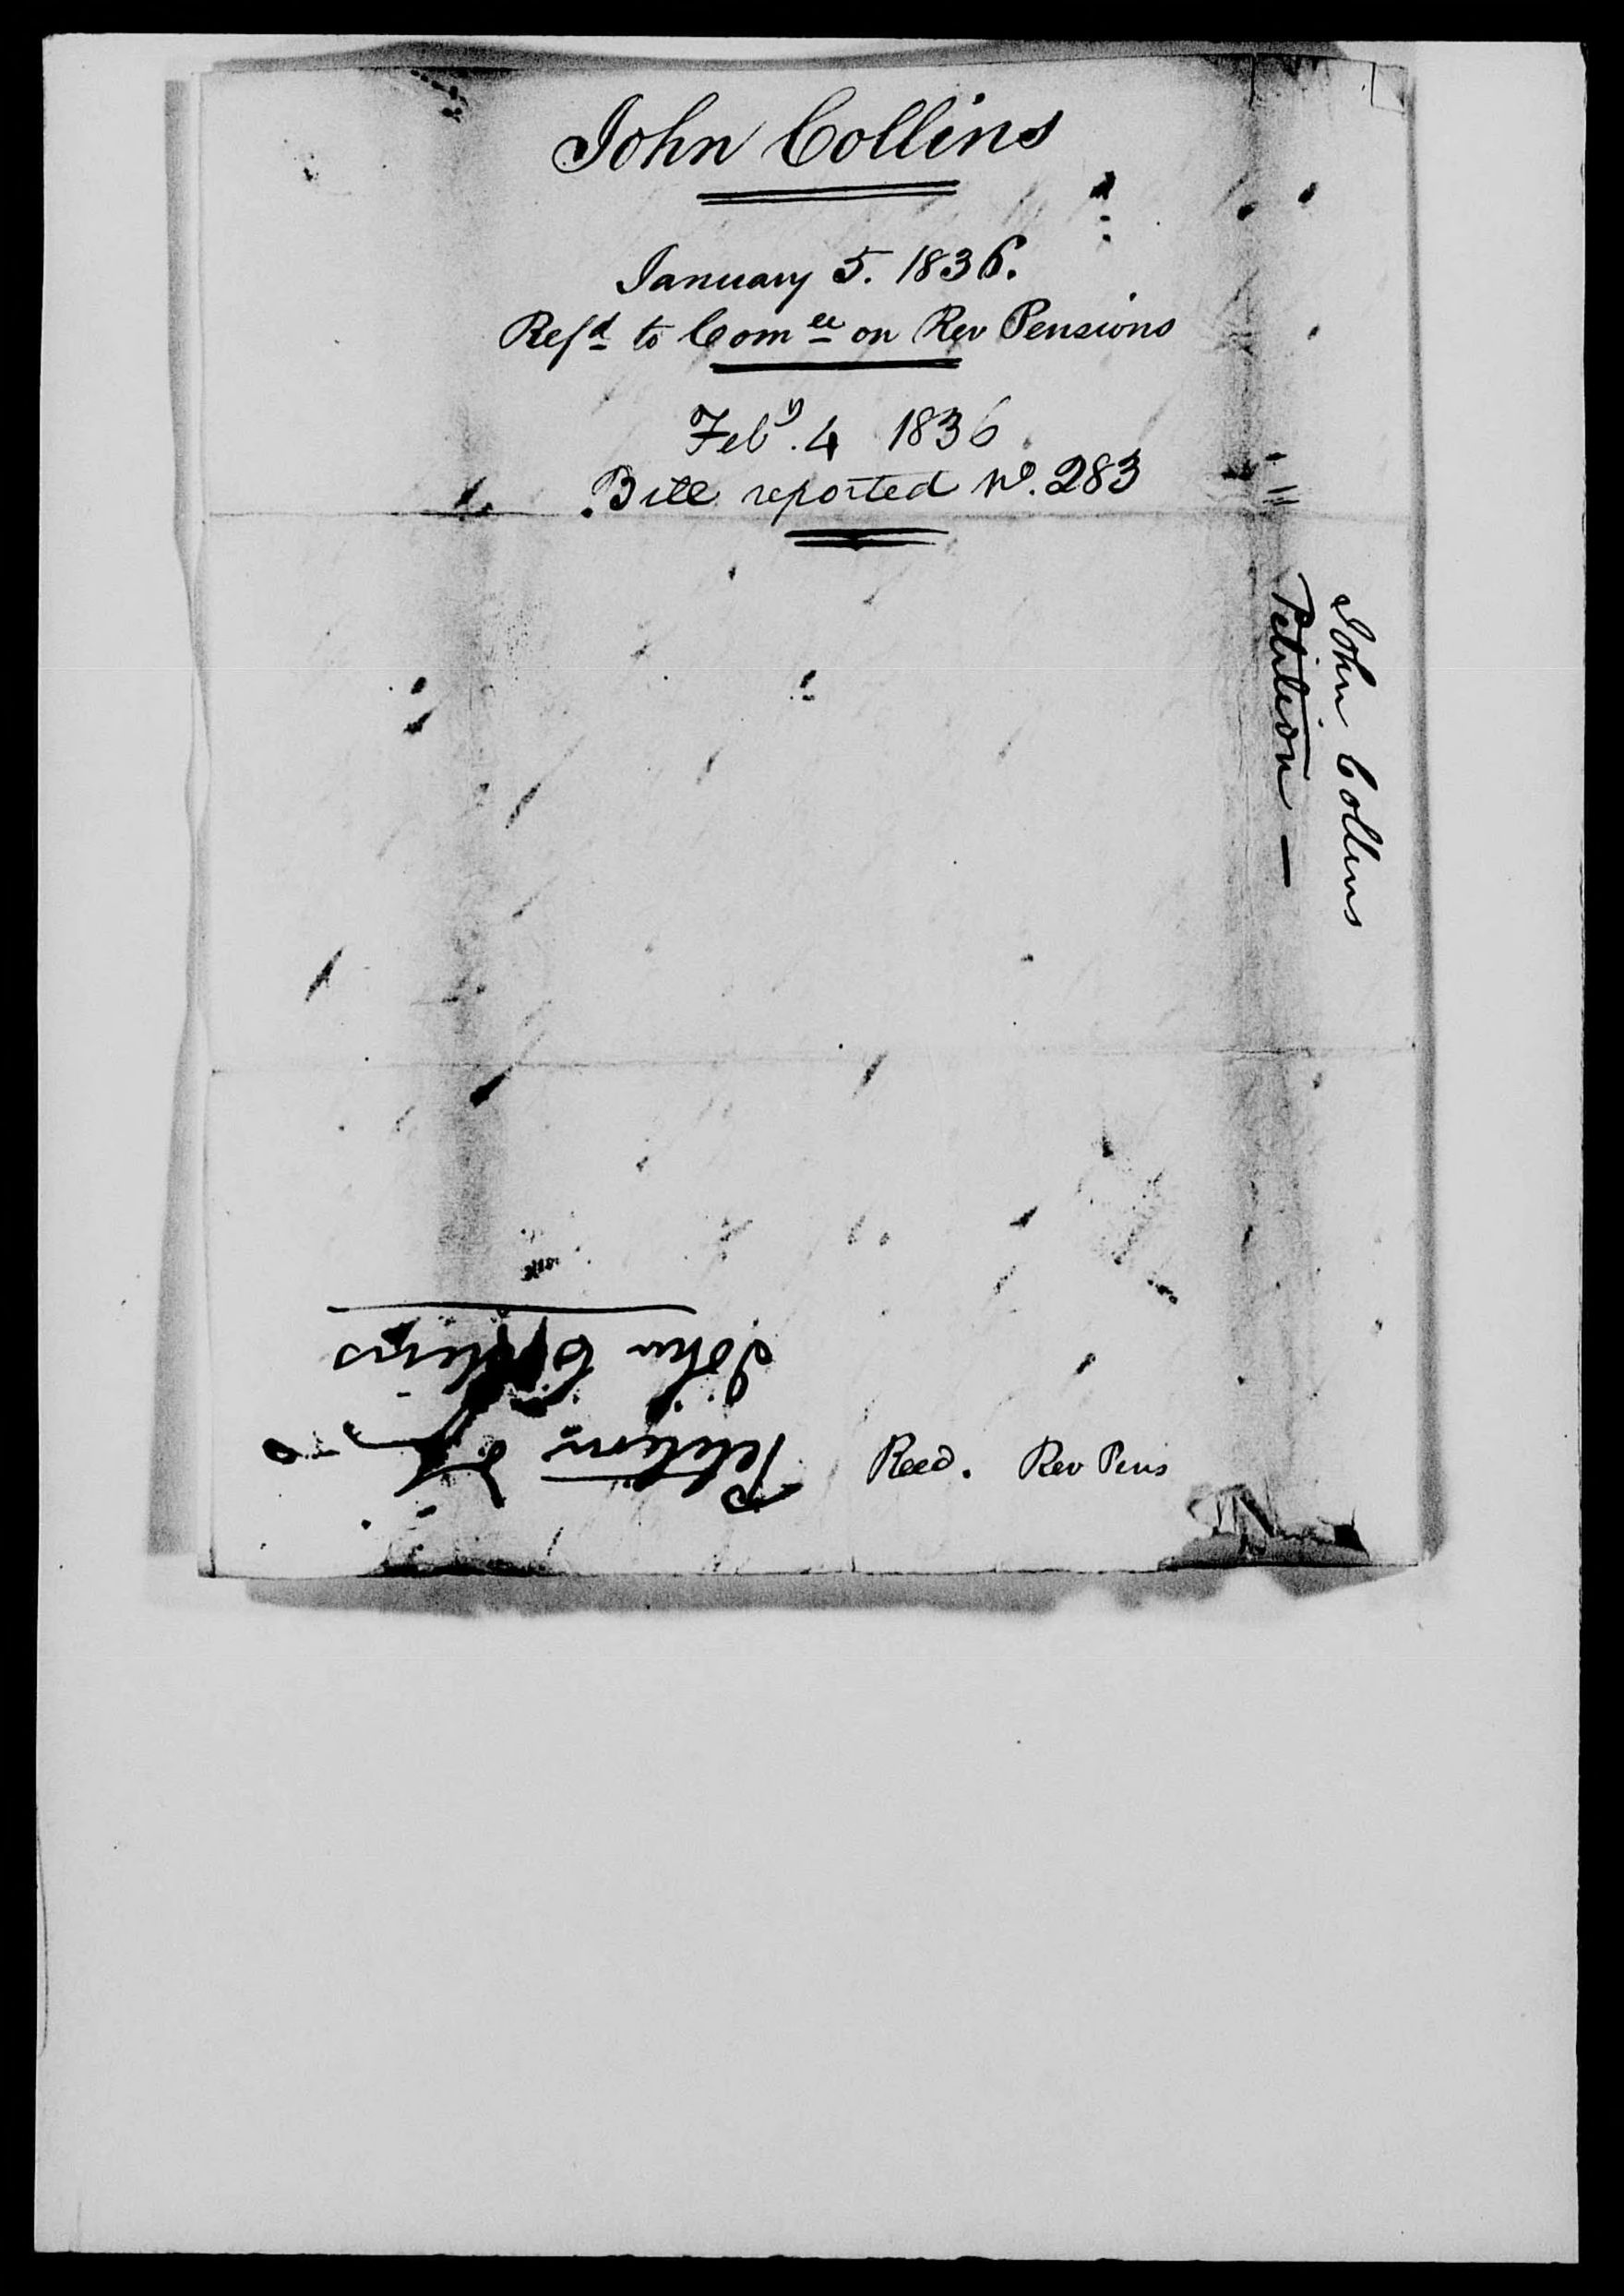John Collins - 

January 5. 1836. 
Refd to Com'er on Rev Pensions 
Feb. 4 1836 
Bill reported No 283
Reed, Rev Pens

John Collins
Petition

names: John Collins, John Collins, John Collins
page: 33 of 43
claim: survivor's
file: S. 29,732, John Collins, Mass. Navy